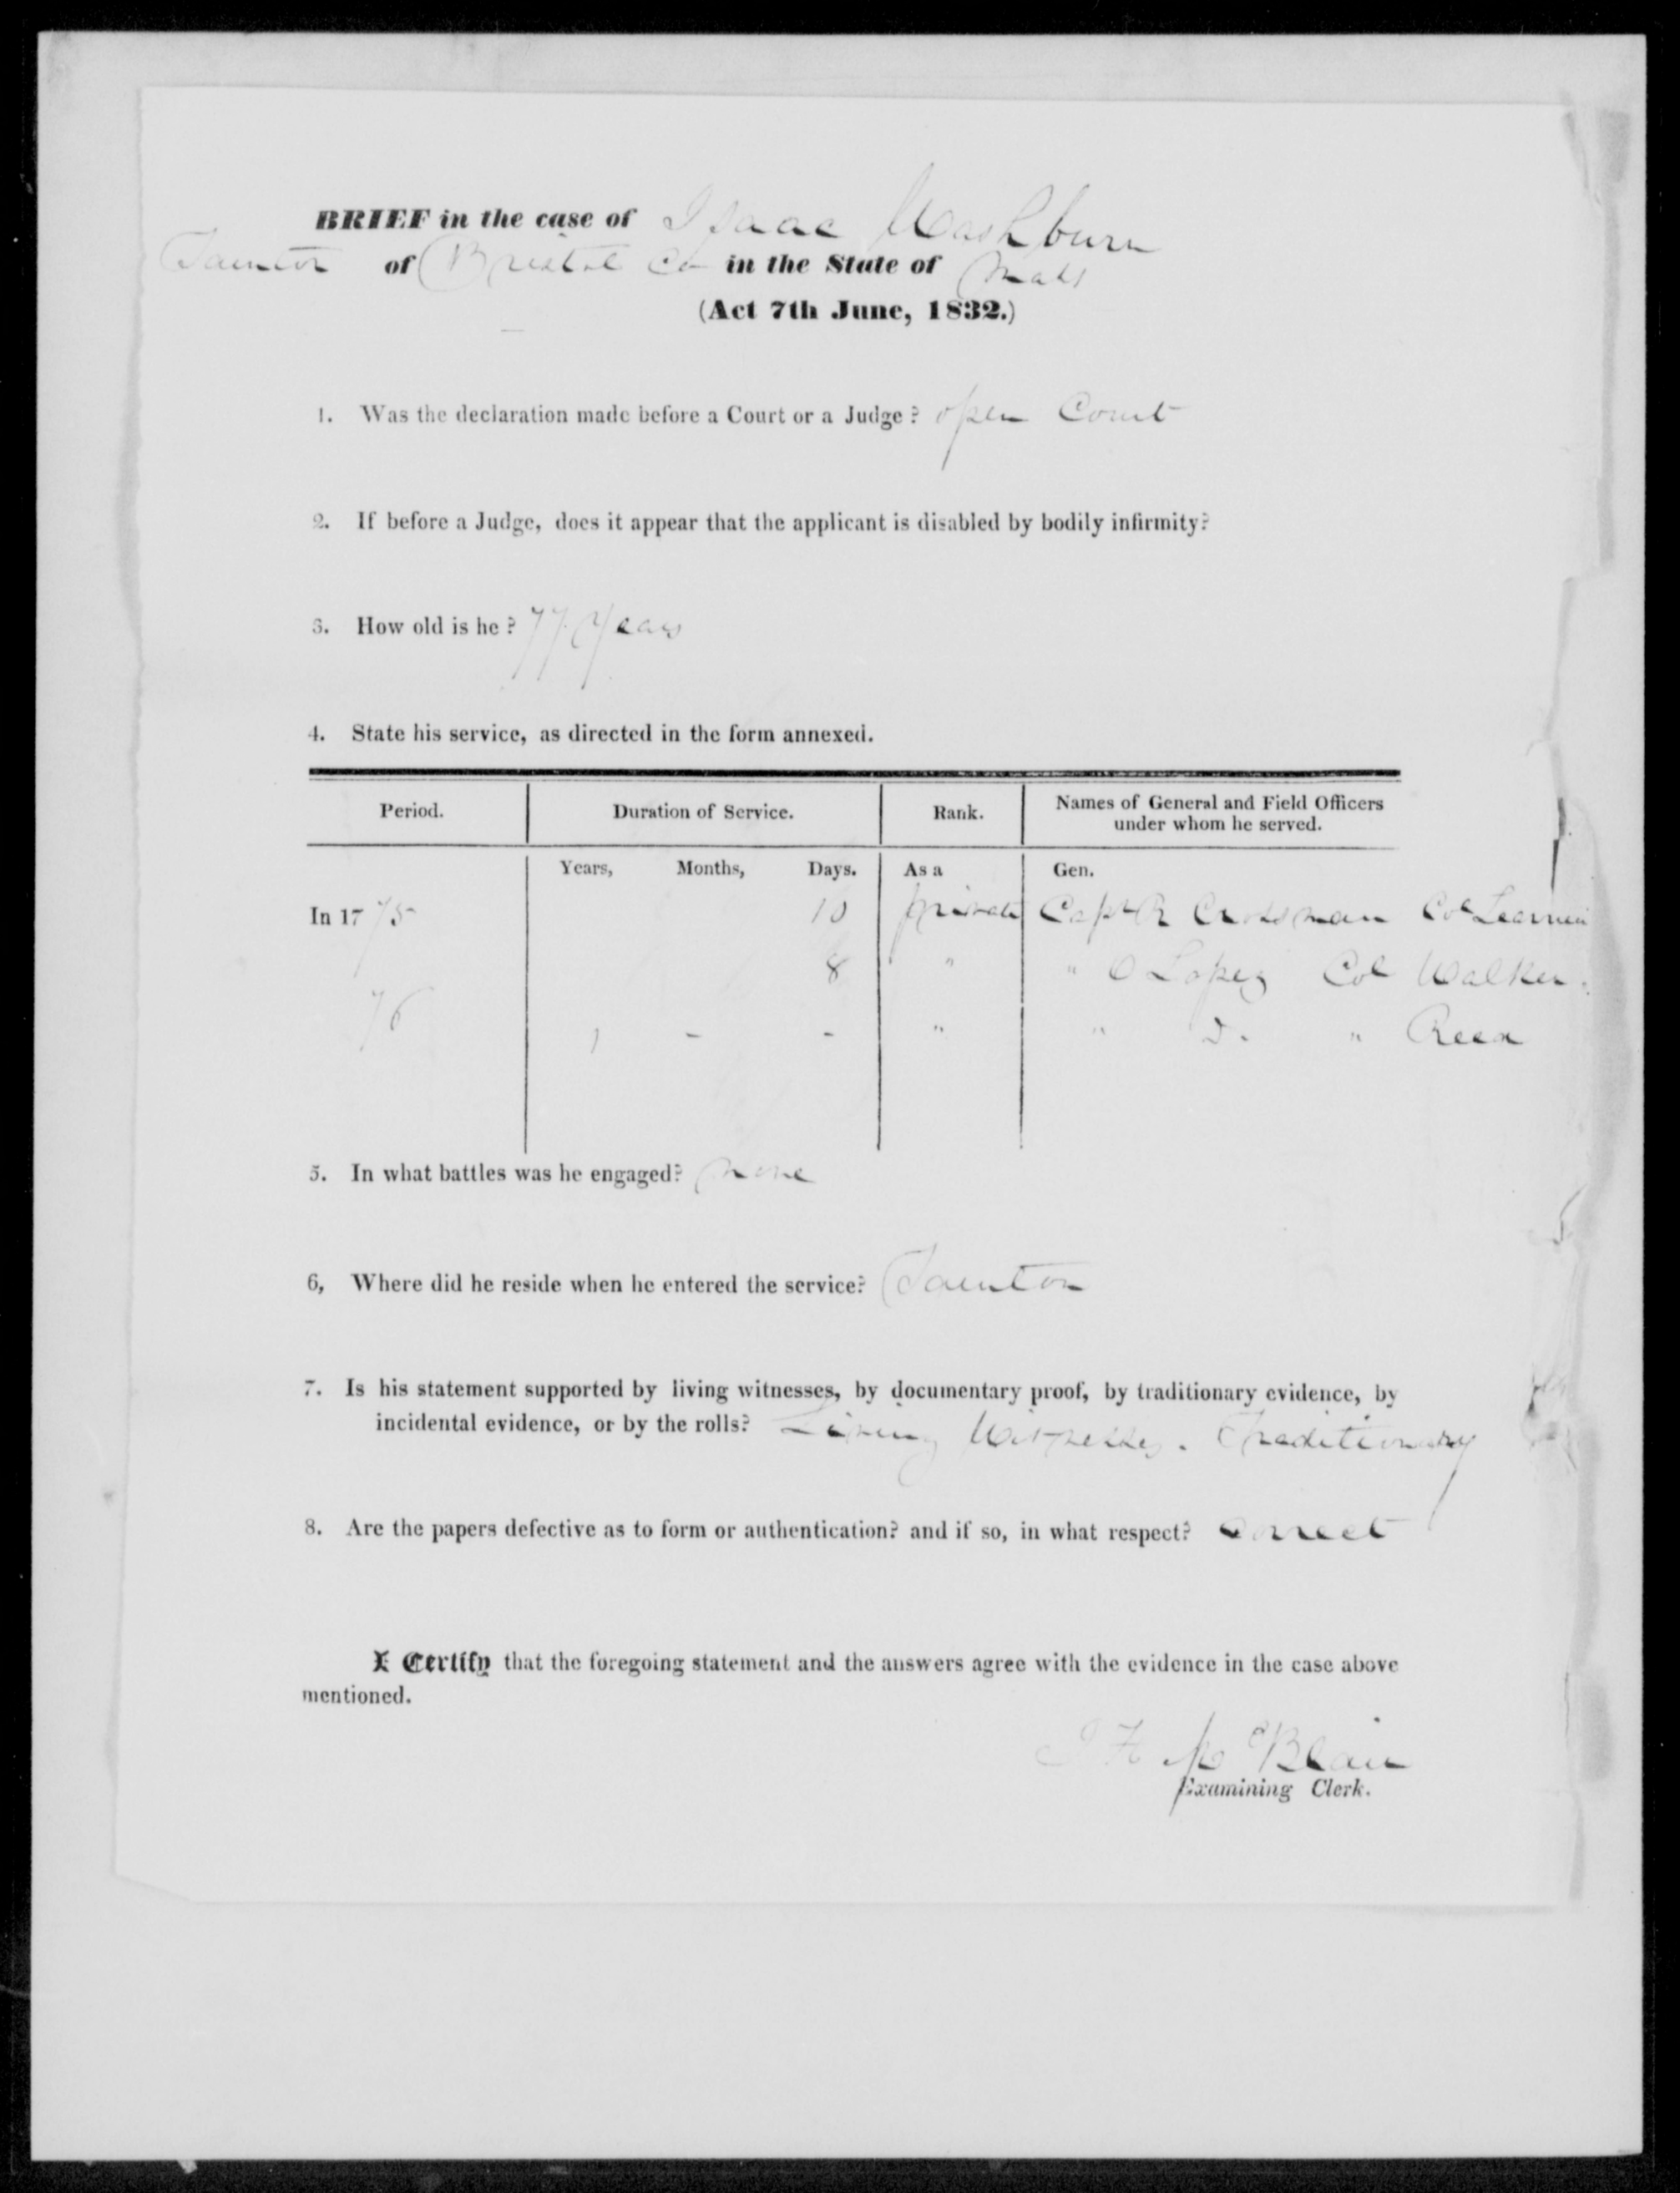BRIEF  in the case of Isaac Washburn 
Taunton of Bristol Co. in the State of Mass
   (Act 7th June, 1832.)

1. Was the declaration made before a Court or Judge:   open Court

2. If before a Judge, does it appear that the applicant is disabled by bodily infirmity?

3. How old is he?      77 years

4. State his service, as directed in the form annexed.

Period.
  In 1775
          76

Duration of Service.
   Years,
   Months,
   Days.          10
                        8

Rank.
    As a private

Names of General and Field Officers under whom he served.
  Gen.
  Capt R Crossman.     Col Learned 
  Capt O Lopez.              Col Walker
  Capt D.                           Col. Reed

5. In what battles was he engaged?  none

6. Where did he reside when he entered the service?    Taunton

7. Is his statement supported by living witnesses, by documentary proof, by traditionary evidence by incidental evidence, or by the rolls?
         Living Witnesses. Traditionary

8. Are the papers defective as to form or authentication? and if so, in what respect?
      Correct

I Certify that the foregoing statement and the answers agree with the evidence in the case above mentioned.

  T H McBlair
       Examining Clerk.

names: Lopez, T H Mc Blair, Learned, Isaac Washburn, Crossman, Green, Walker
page: 5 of 34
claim: widow's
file: W. 1677, Isaac Washburn, Mass.